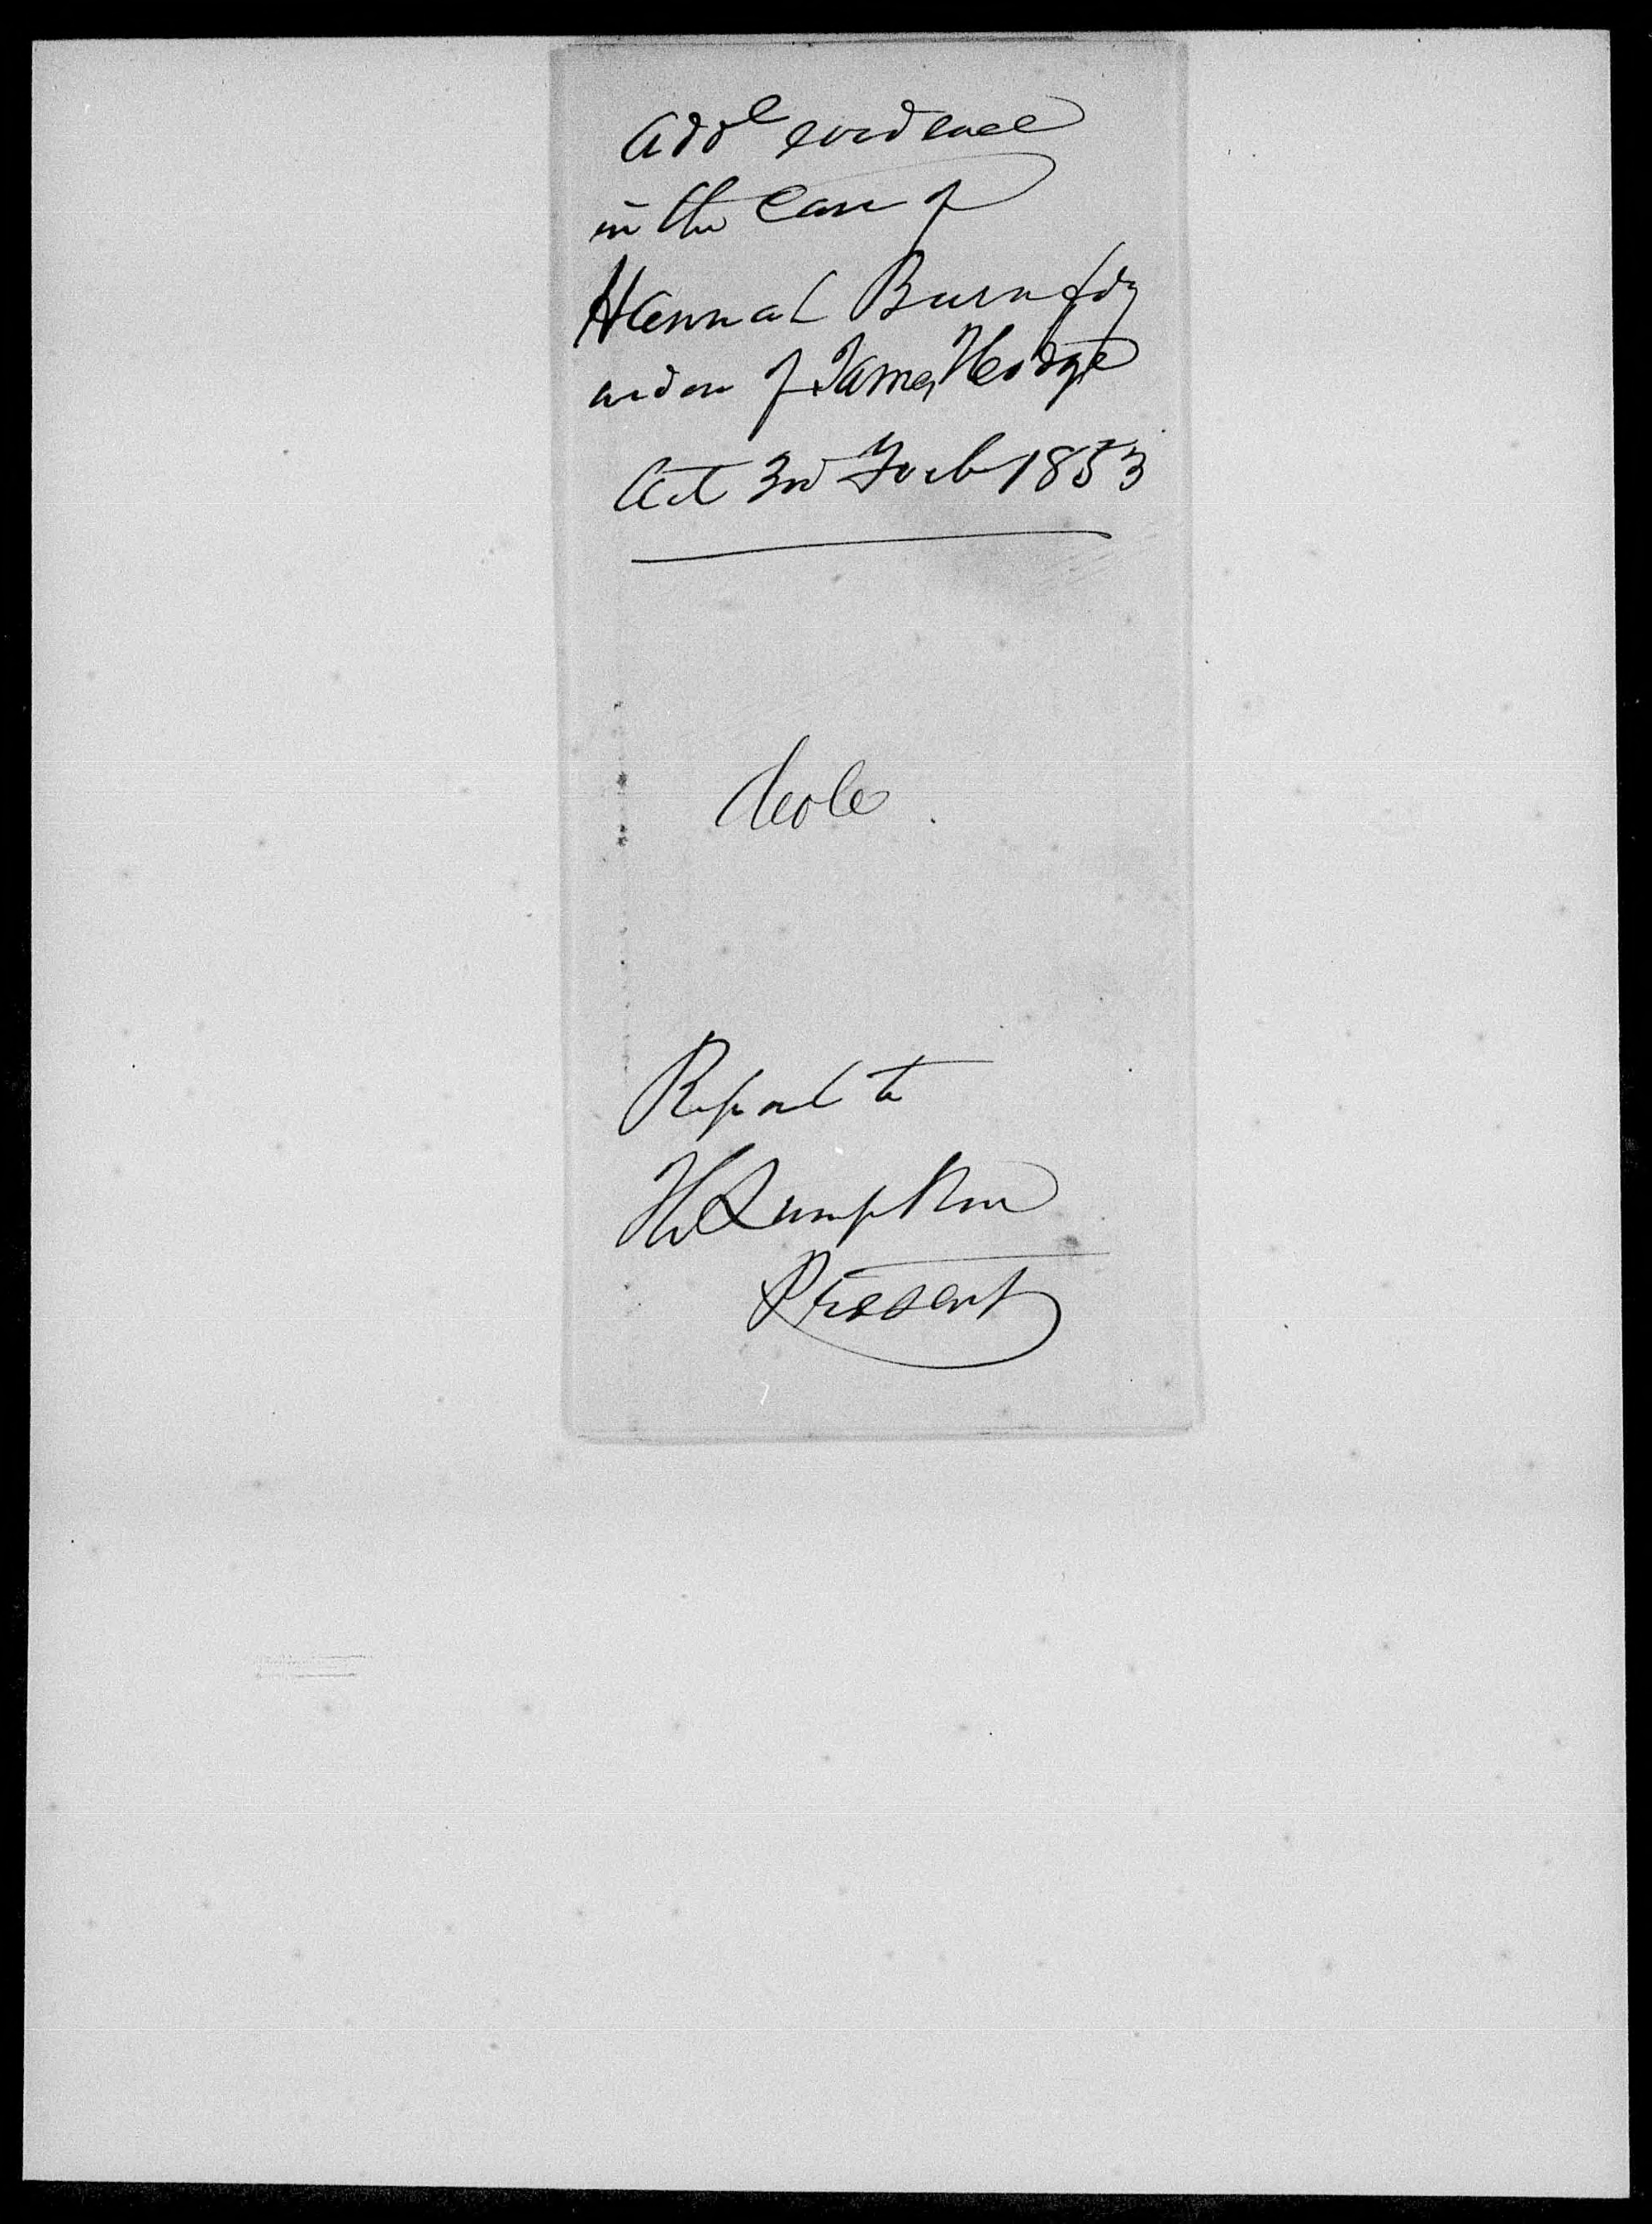Addl evidence 
in the case of
Hannah Burnes
widow James Hodges
(illegible) 1853

(illegible)
Present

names: Hannah Burnes, H Lumpkin, James Hodge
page: 44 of 48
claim: widow's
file: W. 10476, James Hodge, New York